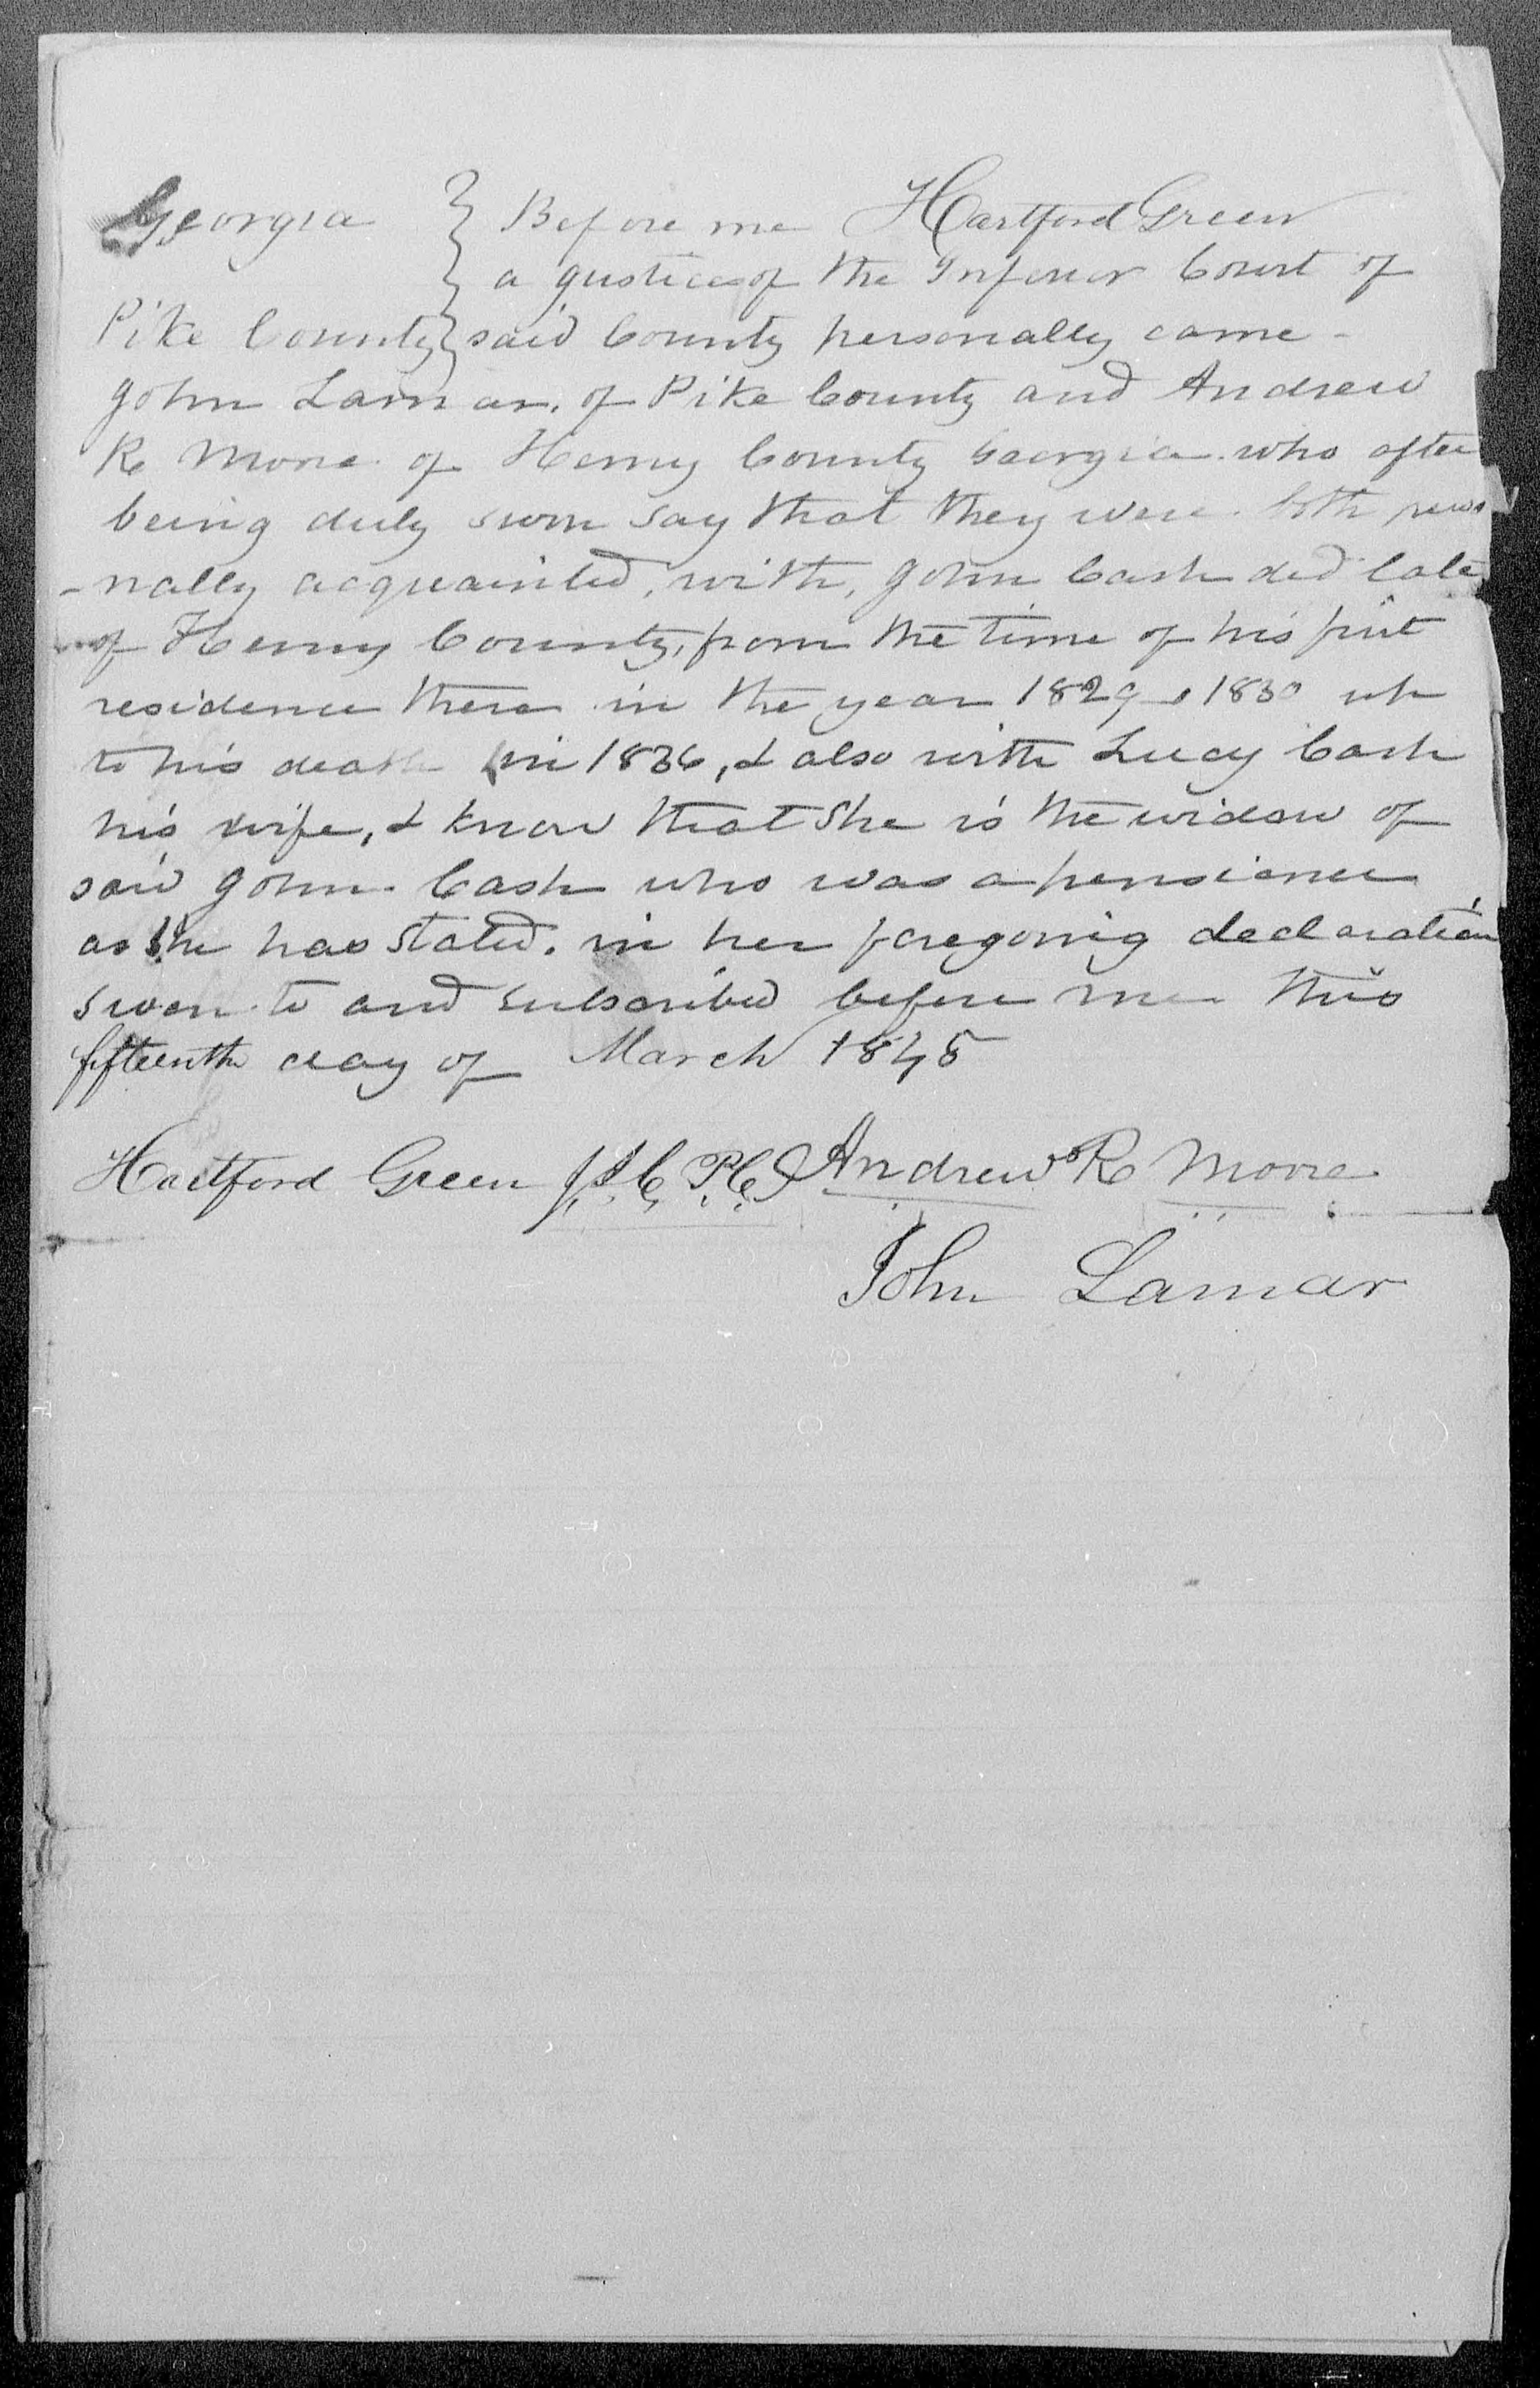Georgia
Pike County ⎬ Before me, Hartford Green,
a Justice of the Inferior Court of said County personally came John Lamar, of Pike County and Andrew Moore of Henry County Georgia who after
being duly sworn say that they were both 
intimately acquainted with, John Cash died late of Henry County, from the time of his first residence there in the year 1829-1830 to his death in 1836, & also with Lucy Cash his wife, & know that she is the widow of said John Cash who was a pensioner as she has stated in her foregoing declaration.
                                Andrew R. Moore
                                 John Lamar
Sworn to and subscribed before me this
fifteenth day of March 1845
Hartford Green J.C. PC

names: Andrew R Moore, John Lamar, Lucy Cash, Hartford Green, John Lamar, Hartford Green, John Cash, John Cash, Andrew R Moore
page: 13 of 73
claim: widow's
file: W. 5,894, John Cash, Va.